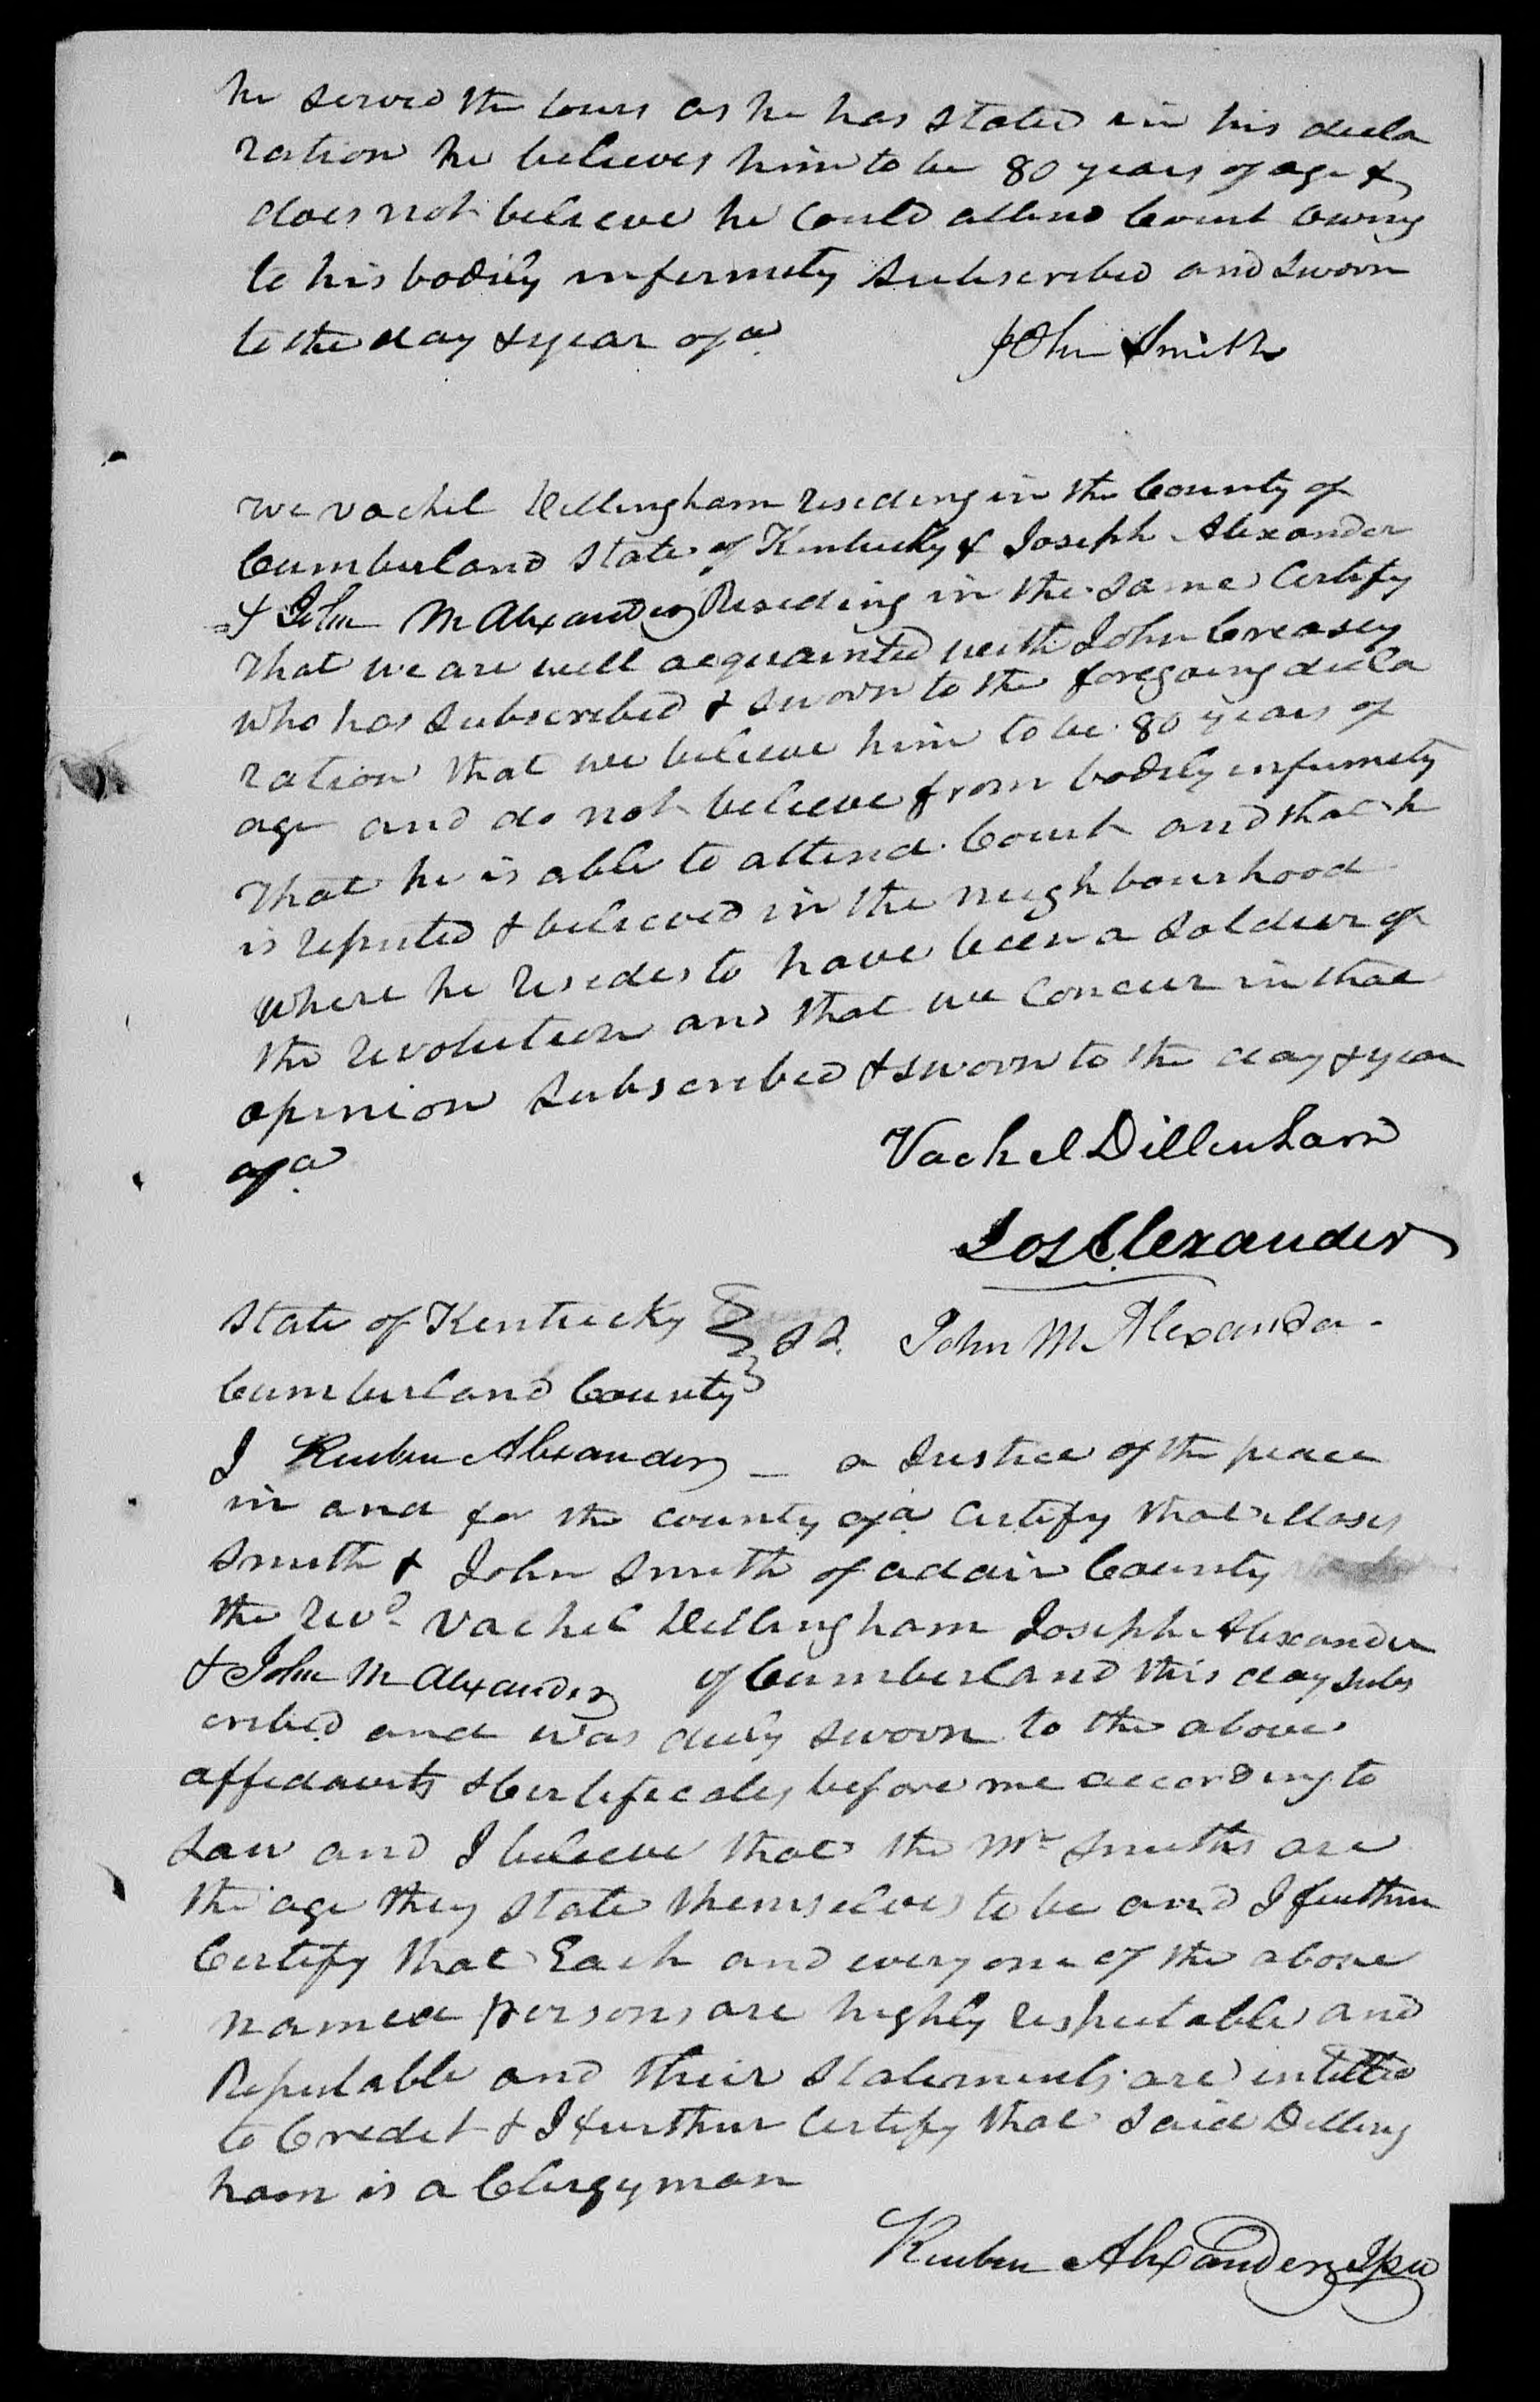he served the tours as he has stated in his decla
ration he believes him to be 80 years of age &
does not believe he could attend Court owing to his bodily infirmity subscribed and sworn
to the day & year afd [aforesaid]
John Smith 

We Vachel Dillingham residing in the County of 
Cumberland state of Kentucky & Joseph Alexander 
& John M Alexander residing in the same certify 
that we are well acquainted with John Creasey who has subscribed and sworn to the foregoing decla
ration that we believe him to be 80 years of age and do not believe from bodily infirmity
that he is able to attend Court and that he is reputed & believed in the neighbourhood [neighborhood] 
where he resides to have been a soldier of 
the Revolution and that we concur in that
opinion subscribed & sworn to the day & year afd. [aforesaid]
Vachel Dillingham.
Jos Alexander. 
John M. Alexander 

State of Kentucky      )          
Cumberland County  ) ss
I, Reuben Alexander-- a Justice of the peace
in and for the County ofd [aforesaid] certify that Moses 
Smith & John Smith of Adair County 
the Revd [Reverand] Vachel Dillingham Joseph Alexander 
& John M Alexander of Cumberland this day subs
cribed and was duly sworn to the above affidavits & Certificates before me according to Law and I believe that the Mr. Smiths are 
the age they state themselves to be and I further 
Certify that each and every one of the above named persons are highly respectable and Reputable and their statements are entitled to Credit & I further Certify that said Dilling
ham is a Clergyman
Reuben Alexander JP [illegible]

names: Reuben Alexander, Vachel Dillenham, Smith, Dillingham, John M Alexander, Vachel Dillingham, Vachel Dillingham, John Smith, Joseph Alexander, Joseph Alexander, Moses Smith, John M Alexander, John Smith, John M Alexander, John Creasey, Jos Alexander, Reuben Alexander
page: 10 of 16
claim: survivor's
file: S. 37,877, John Creasey, Va.